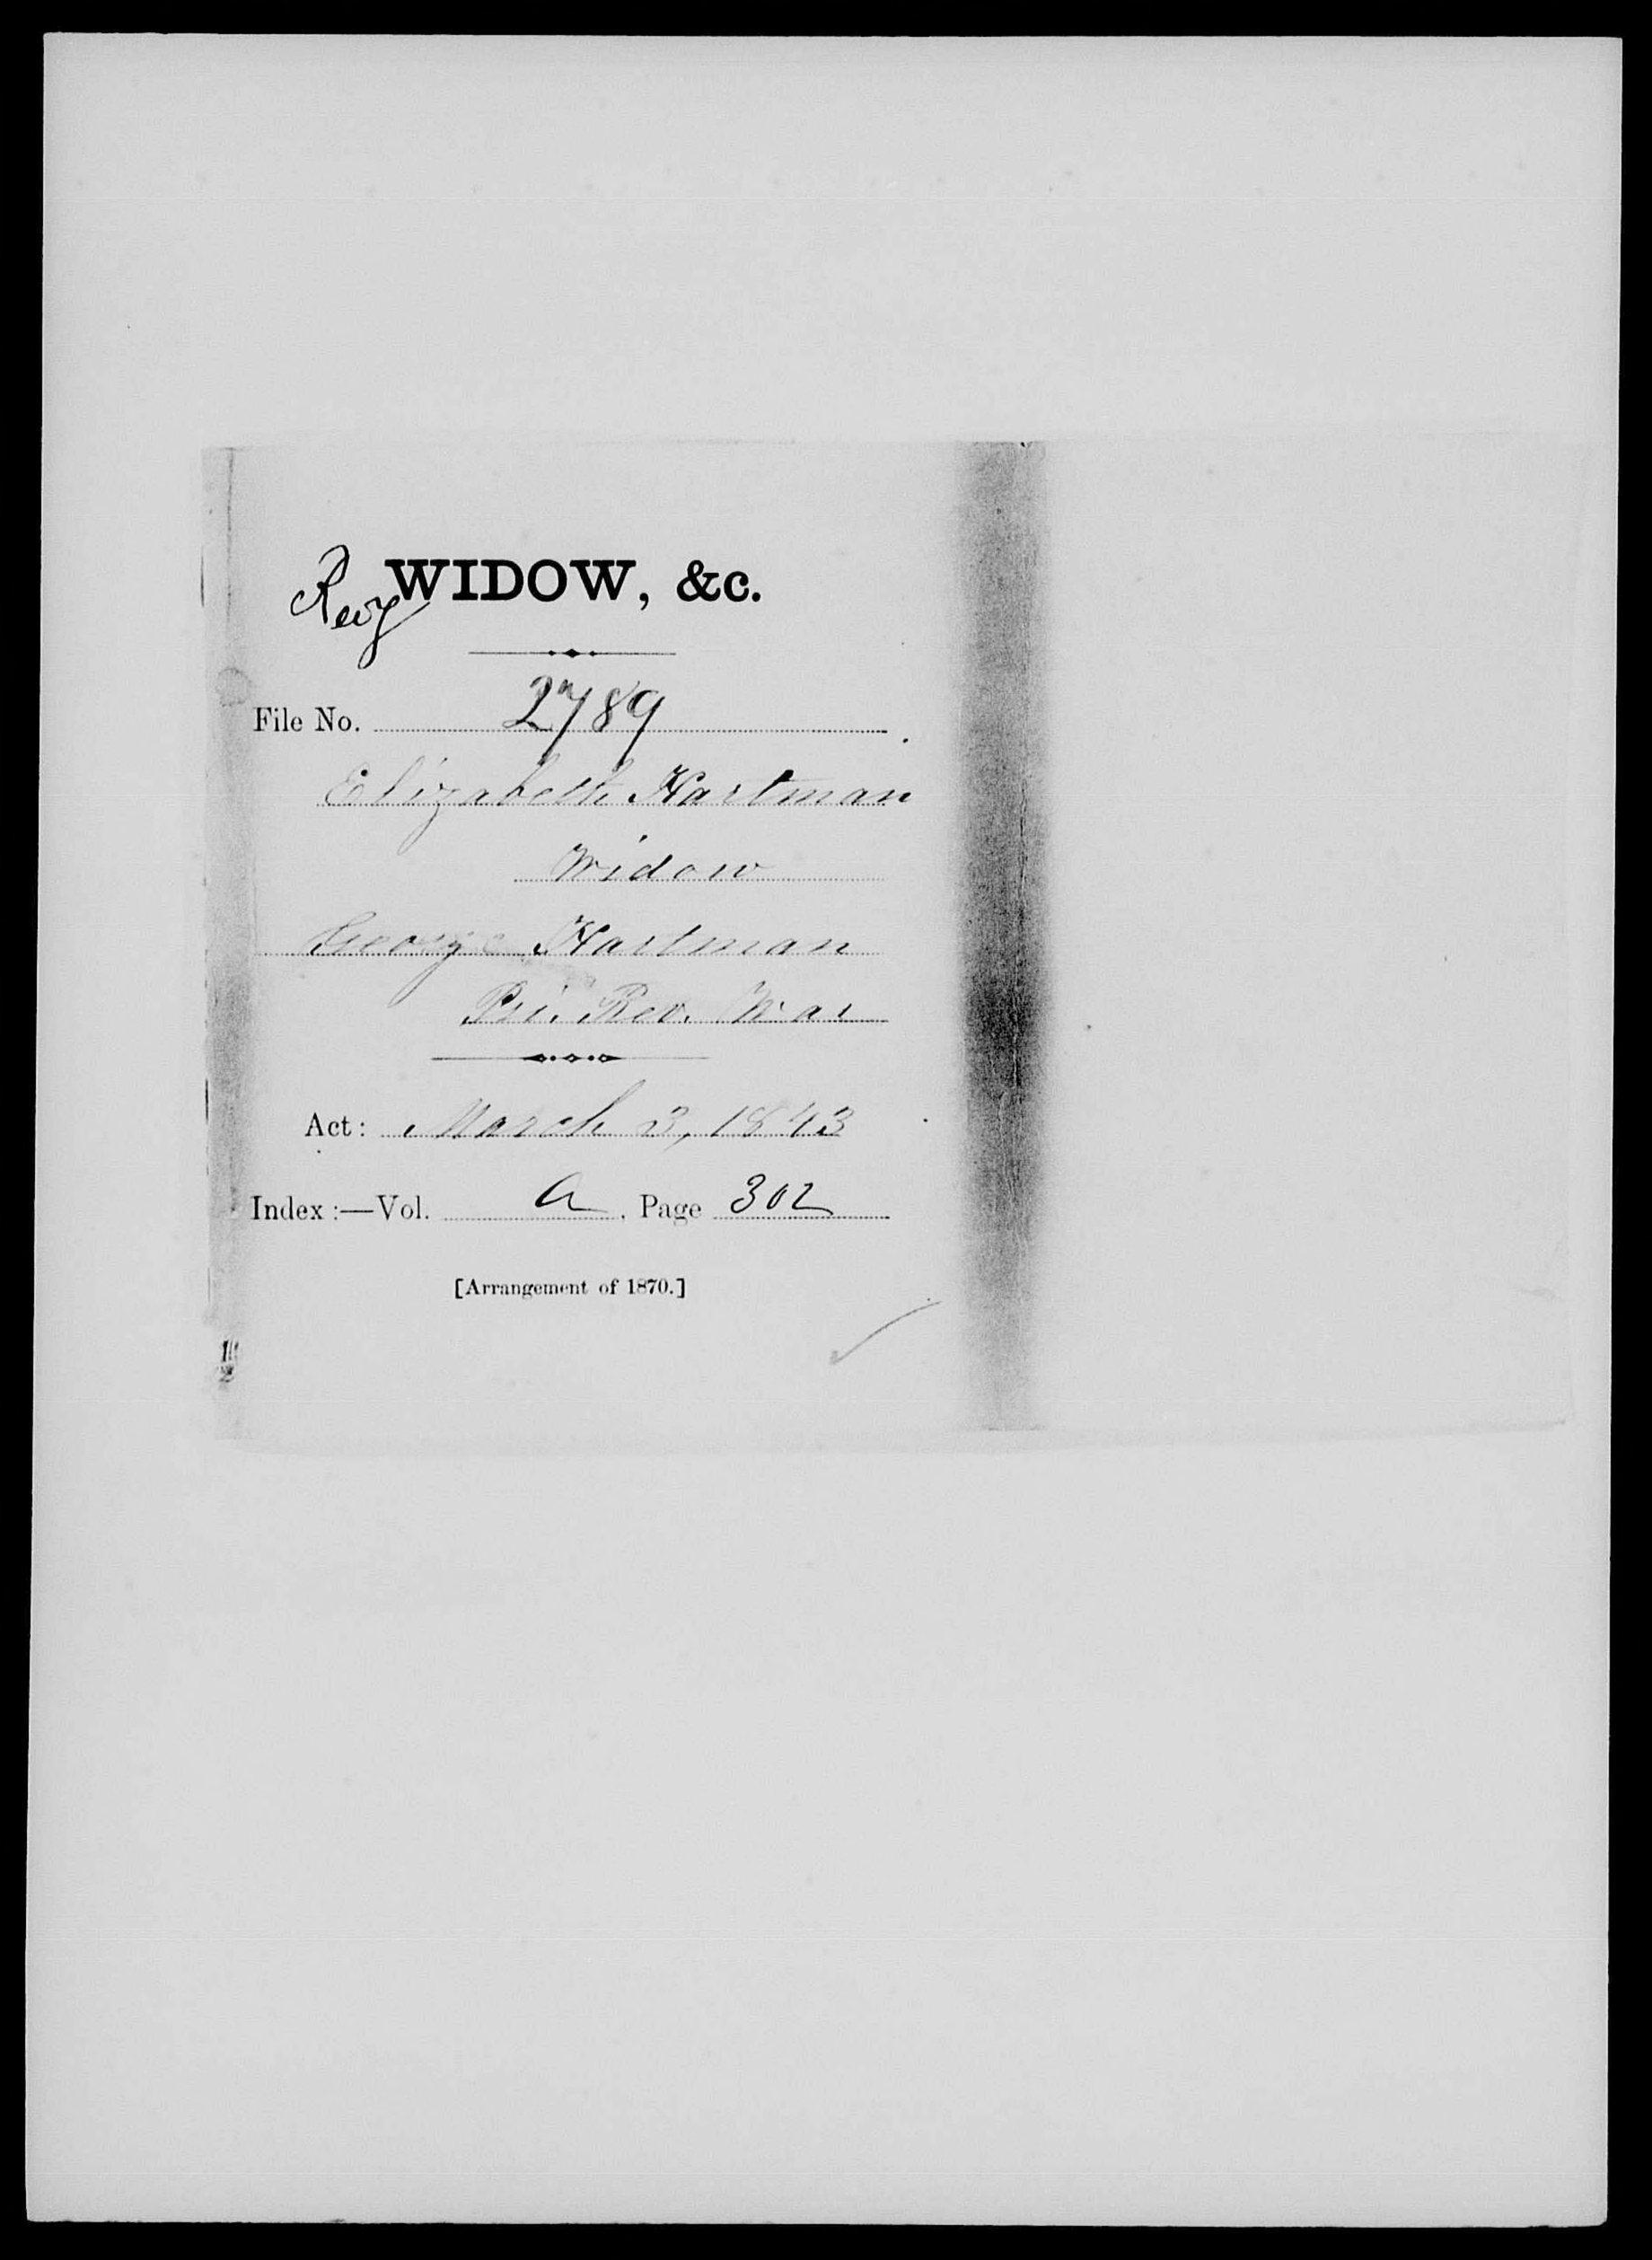Revy WIDOW, &c.
---
File No. 2789
Elizabeth Hartman
Widow
George Hartman
Pri Rev War
---
Act: March 3, 1843
Index:---Vol. a, Page 302
[Arrangement of 1870.]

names: George Hartman, Elizabeth Hartman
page: 23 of 29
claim: widow's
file: W. 2,789, George Hartman, New Jersey